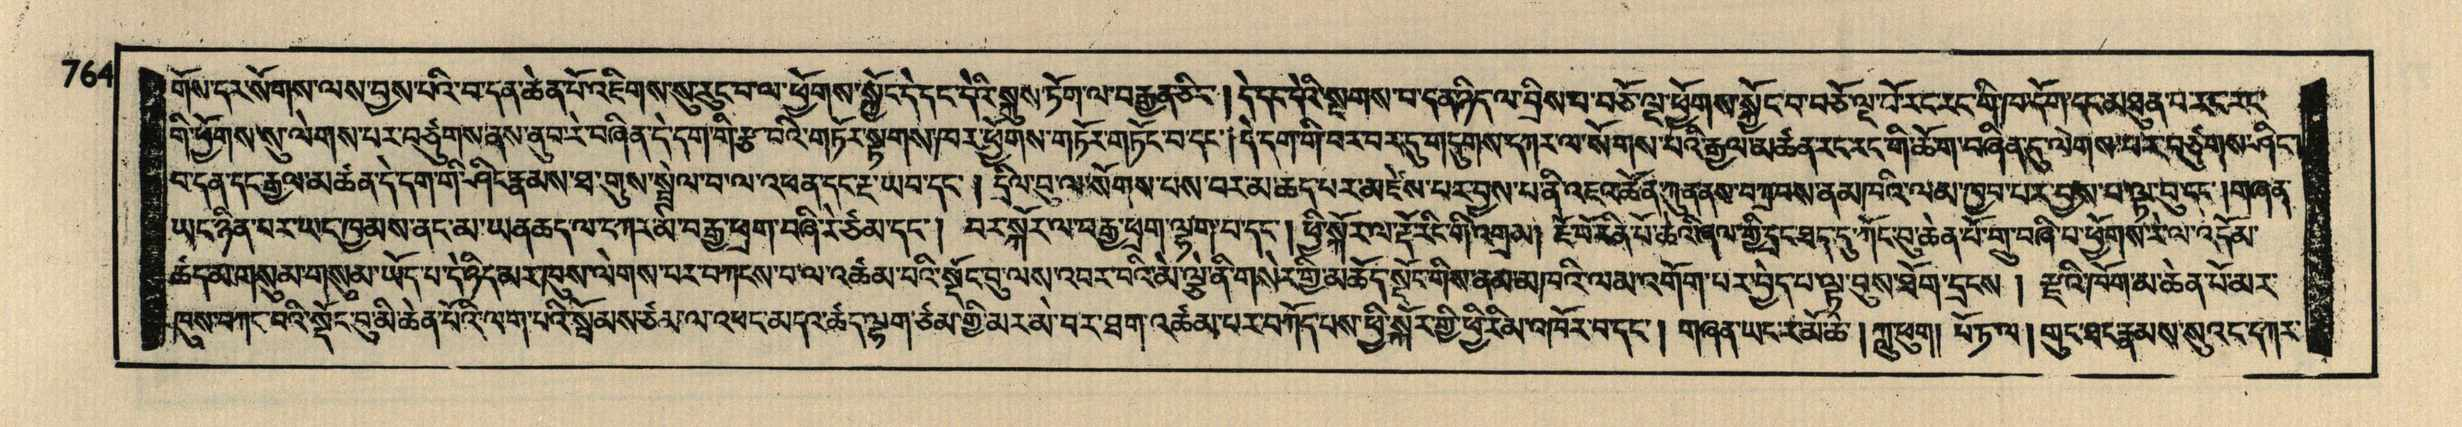གོས་དར་སོགས་ལས་བྱས་པའི་བ་དན་ཆེན་པོ་འཇིགས་སུ་རུང་བ་ལ་ཕྱོགས་སྐྱོང་དེ་དང་དེའི་སྐུས་ཏོག་ལ་བརྒྱན་ཅིང་། དེ་དང་དེའི་སྔགས་བ་དན་ཉིད་ལ་བྲིས་པ་བཅོ་ལྔ་ཕྱོགས་སྐྱོང་བ་བཅོ་ལྔ་བོ་རང་རང་གི་ཁ་དོག་དང་མཐུན་བ་རང་རང་
གི་ཕྱོགས་སུ་ལེགས་པར་བཙུགས་ནས་ནུབ་རེ་བཞིན་དེ་དག་གི་རྩ་བའི་གཏོར་སྟགས་ཁར་ཕྱོགས་གཏོར་གཏོང་བ་དང་། དེ་དག་གི་བར་བར་དུ་གདུགས་དཀར་ལ་སོགས་པའི་རྒྱལ་མཚན་རང་རང་གི་ཆོག་བཞིན་དུ་ལེགས་པར་བཙུགས་ཤིང་།
བ་དན་དང་རྒྱལ་མཚན་དེ་དག་གི་ཤིང་རྣམས་ཐ་གུས་སྦྲེལ་བ་ལ་འཕན་དང་རྔ་ཡབ་དང་། དྲིལ་བུ་ལ་སོགས་པས་བར་མ་ཆད་པར་མཛེས་པར་བྱས་པ་ནི་འཇའ་ཚོན་ཀུན་ནས་བཀྲ་བས་ནམཁའི་ལམ་ཁྱབ་པར་བྱས་པ་ལྟ་བུ་དང་།གཞན་
ཡང་ཉིན་པར་ཡང་ཁྱམས་ནང་མ་ཡན་ཆད་ལ་དཀར་མི་བརྒྱ་ཕྲག་བཞི་རེ་ཙམ་དང་། བར་སྐོར་ལ་བརྒྱ་ཕྲག་ལྷག་པ་དང་། ཕྱི་སྐོར་ལ་རྡོ་རིང་གི་འགྲམ། ཇོ་བོ་རིན་པོ་ཆེའི་ཞལ་གྱི་དྲང་ཐད་དུ་ཀོང་བུ་ཆེན་པོ་གྲུ་བཞི་པ་ཕྱོགས་རེ་ལ་འདོམ་
ཚད་མ་གསུམ་གསུམ་ཡོད་པ་དེ་ཉིད་མར་ཁུས་ལེགས་པར་བཀངས་བ་ལ་འཚམ་བའི་སྡོང་བུ་ལས་འབར་བའི་མེ་ལྕེ་ནི་གསེར་གྱི་མཆོད་སྡོང་གིས་ནམ་མཁའི་ལམ་འགོག་པར་བྱེད་པ་ལྟ་བུས་ཐོག་དྲངས། རྫའི་ཁོག་མ་ཆེན་པོ་མར་
ཁུས་བཀང་བའི་སྡོང་བུ་མི་ཆེན་པོའི་ལག་པའི་སྦོམས་ཙམ་ལ་འཕང་མདའ་ཚད་ལྷག་ཙམ་གྱི་མར་མེ་བར་ཐག་འཚམ་པར་བཀོད་པས་ཕྱི་སྐོར་གྱི་ཕྱི་རིམ་འཁོར་བ་དང་། གཞན་ཡང་ར་མོ་ཆེ། ཀླུ་ཕུག། པོ་ཏ་ལ། གུང་ཐང་རྣམས་སུའང་དཀར་